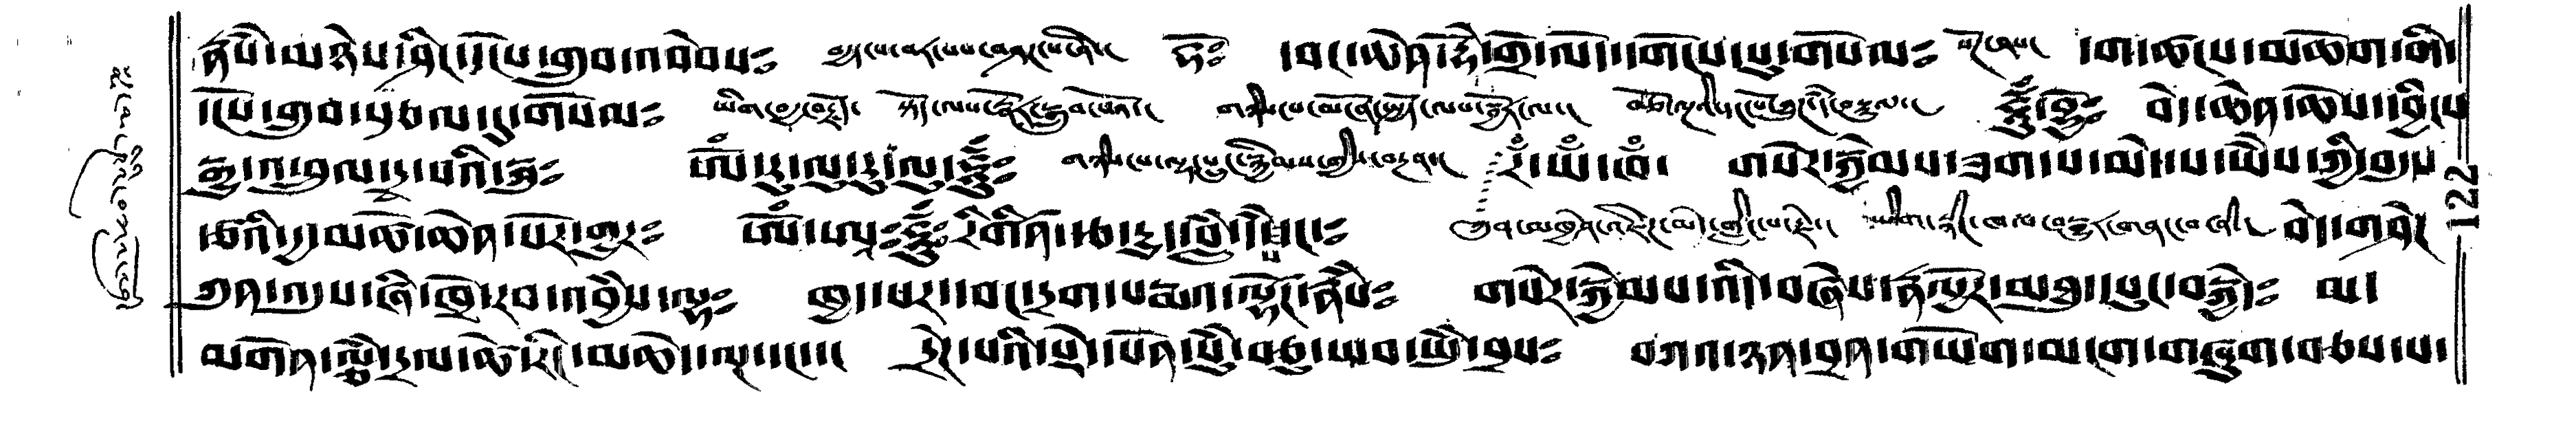་མཉེས་ཤིང་དངོས་གྲུབ་འབེབས༔ བརྒྱད་པ་བར་པ་བཤགས་པ་ནི ། ཧོ༔ དབང་ཆེན་རྡོ་རྗེ་གྲོ་ལོད་དགོངས་སུ་གསོལ༔ སོགས་ནས། དག་ཚངས་མཆོག་གི་
དངོས་གྲུབ་སྩལ་དུ་གསོལ༔ ཡིག་བརྒྱ་བརྗོད། སྟོད་ལས་རྣལ་འབྱོར་སྒྲུབ་པའོ། གཉིས་པ་མངོན་སྤྱོད་ལས་སྦྱོར་ལ། བཅོ་ལྔའི་དང་པོ་ཐུགས་དམ་སྐུལ། ཧཱུྃ་བྷྱོ༔ བདེ་ཆེན་ཆོས་དབྱིངས་
སྒྱུ་འཕྲུལ་དྲྭ་བའི་སྐུ༔ སོགས་ནས། ཨོཾ་རུ་ལུ་རུ་ལུ་ཧཱུྃ༔ གཉིས་པ་ལྷ་སྲུང་སྐྱེམས་གྱིས་བརྔན། རྃ་ཡྃ་ཁྃ། གསེར་སྐྱེམས་ཟག་པ་མེད་པ་ཡེ་ཤེས་ཀྱི་བདུད་
རྩའི་རྒྱ་མཚོ་ཆེན་པོར་གྱུར། ཨོཾ་ཨཱཿཧཱུྃ། རིག་འཛིན་རྩ་རྒྱུད་བླ་མ་དམ་པ་དང་། །བདེ་གཤེགས་
ཀུན་འདུས་ཞི་ཁྲོ་རབ་འབྱམས་ལྷ། ཁྱད་པར་དབང་དྲག་པདྨའི་ལྷ་ཚོགས་རྣམས། །གསེར་སྐྱེམས་འདི་བཞེས་རྣལ་འབྱོར་མཐུ་དཔུང་སྐྱེད། །མ་
མགོན་ལྕམ་དྲལ་ཚེ་རིང་མཆེད་ལྔ་དང་། །དྲེགས་པའི་སྡེ་དཔོན་སུམ་ཅུ་ཡབ་ཡུམ་བྲན། །བཀའ་ཉན་བྲན་གཡོག་མངག་གཞུག་བཅས་པ་